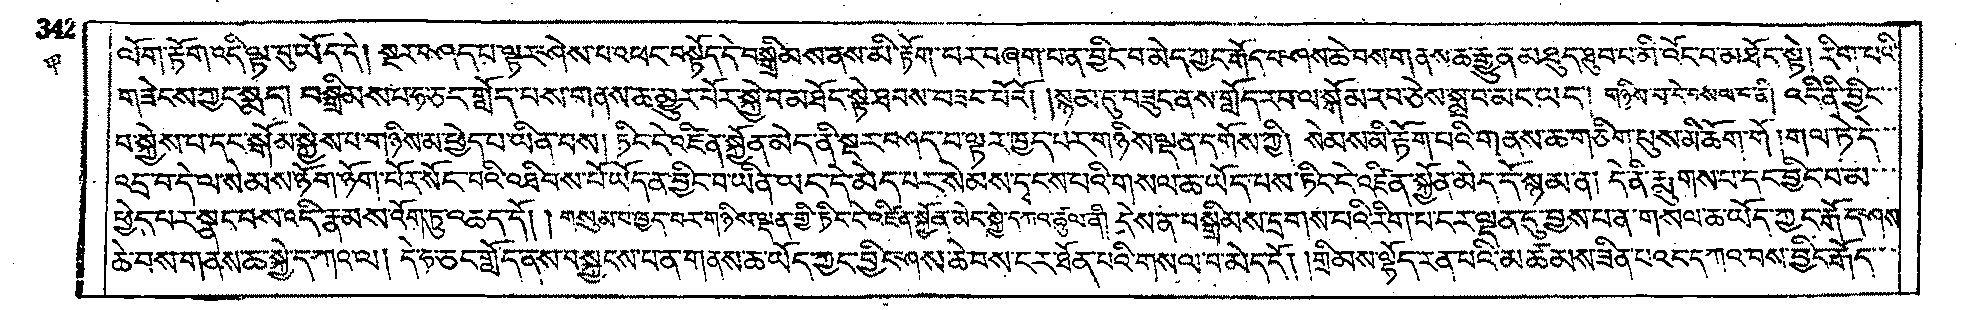ལོག་རྟོག་འདི་ལྟ་བུ་ཡོད་དེ། སྔར་བཤད་པ་ལྟར་ཤེས་པ་འཕང་བསྟོད་དེ་བསྒྲིམས་ནས་མི་རྟོག་པར་བཞག་པ་ན་བྱིང་བ་མེད་ཀྱང་རྒོད་པ་ཤས་ཆེ་བས་གནས་ཆ་རྒྱུན་མཐུད་ཐུབ་པ་མི་འོང་བ་མཐོང་སྟེ། རིག་པའི་
གཟེངས་ཀྱང་སྨད། བསྒྲིམས་པ་ཧ་ཅང་གློད་པས་གནས་ཆ་མྱུར་པོར་སྐྱེ་བ་མཐོང་སྟེ་ཐབས་བཟང་པོའོ། །སྙམ་དུ་བཟུང་ནས་གློད་རབ་ལ་སྒོམ་རབ་ཅེས་སྨྲ་བ་མང་ཡང་། གཉིས་པ་དེ་བསལ་བ་ནི།  འདི་ནི་བྱིང་
བ་སྐྱེས་པ་དང་སྒོམ་སྐྱེས་པ་གཉིས་མ་ཕྱེད་པ་ཡིན་པས། ཏིང་ངེ་འཛིན་སྐྱོན་མེད་ནི་སྔར་བཤད་པ་ལྟར་ཁྱད་པར་གཉིས་ལྡན་དགོས་ཀྱི། སེམས་མི་རྟོག་པའི་གནས་ཆ་གཅིག་པུས་མི་ཆོག་གོ། །གལ་ཏེ་དེ་
འདྲ་བ་དེ་ལ་སེམས་ཉོག་ཉོག་པོར་སོང་བའི་འཐིབས་པོ་ཡོད་ན་བྱིང་བ་ཡིན་ཡང་དེ་མེད་པར་སེམས་དྭངས་པའི་གསལ་ཆ་ཡོད་པས་ཏིང་ངེ་འཛིན་སྐྱོན་མེད་དོ་སྙམ་ན། དེ་ནི་རྨུགས་པ་དང་བྱིང་བ་མ་
ཕྱེད་པར་སྣང་བས་འདི་རྣམས་འོག་ཏུ་འཆད་དོ། །གསུམ་པ་ཁྱད་པར་གཉིས་ལྡན་གྱི་ཏིང་ངེ་འཛིན་སྐྱོན་མེད་སྐྱེ་དཀའ་ཚུལ་ནི།  དེས་ན་བསྒྲིམས་དྲགས་པའི་རིག་པ་ངར་ལྡན་དུ་བྱས་པ་ན་གསལ་ཆ་ཡོད་ཀྱང་རྒོད་ཤས་
ཆེ་བས་གནས་ཆ་སྐྱེད་དཀའ་ལ། དེ་ཧ་ཅང་གློད་ནས་བསྐྱངས་པ་ན་ནས་ཆ་ཡོད་ཀྱང་བྱིང་ཤས་ཆེ་བས་ངར་ཐོན་པའི་གསལ་བ་མེད་དོ། །གྲིམས་ལྷོད་རན་པའི་མཚམས་ཟིན་པའང་དཀའ་བས་བྱིང་རྒོད་